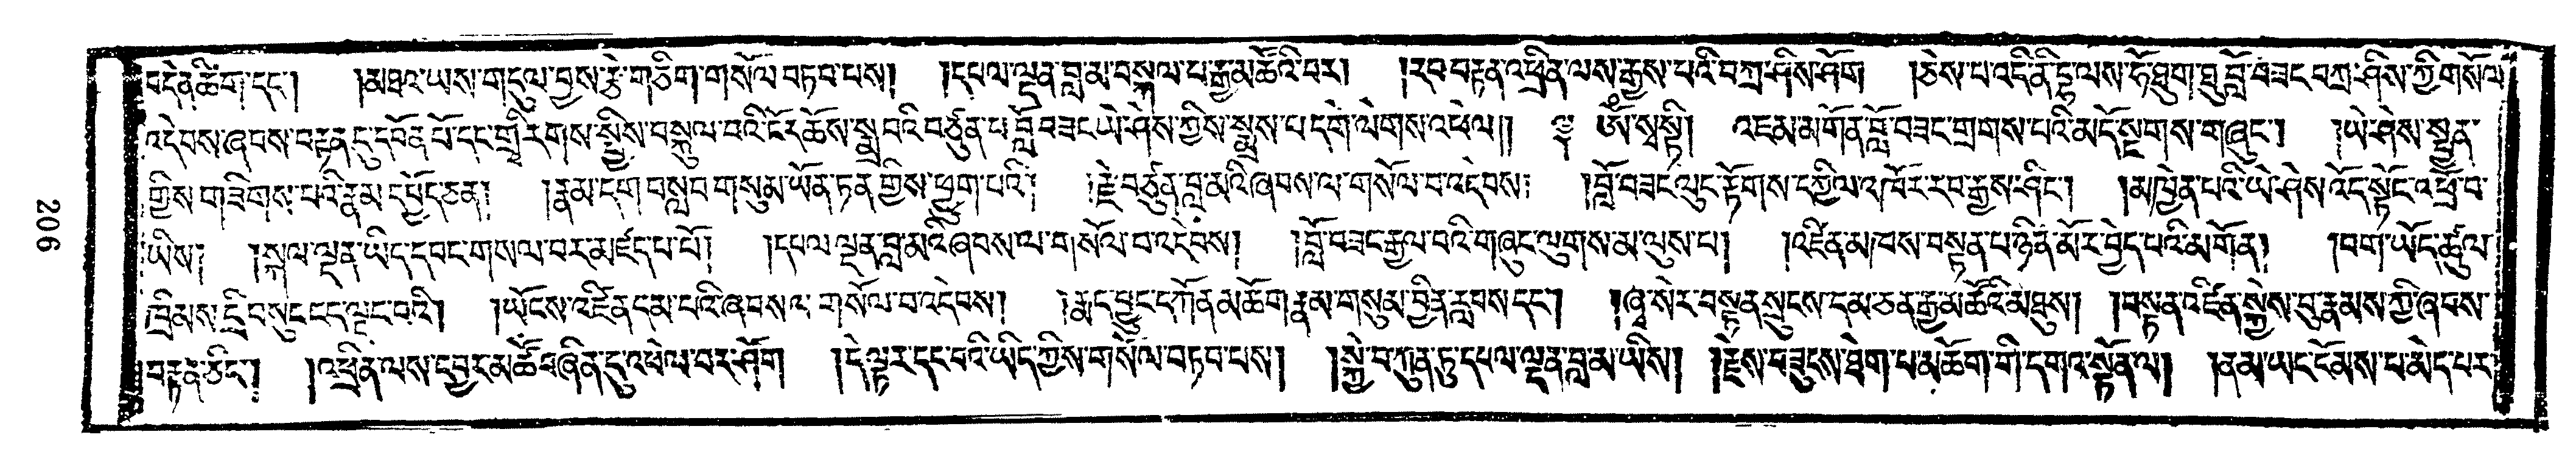བདེན་ཚིག་དང་། །མཐའ་ཡས་གདུལ་བྱས་རྩེ་གཅིག་གསོལ་བཏབ་པས། །དཔལ་ལྡན་བླ་མ་བསྐལ་པ་རྒྱ་མཚོའི་བར། །རབ་བརྟན་འཕྲིན་ལས་རྒྱས་པའི་བཀྲ་ཤིས་ཤོག །ཅེས་པ་འདི་ནི་དྷ་ལས་ཧོ་ཐུག་ཐུ་བློ་བཟང་བཀྲ་ཤིས་ཀྱི་གསོལ་
འདེབས་ཞབས་བརྟན་དུ་དབོན་པོ་དང་གྲྭ་རིགས་སྤྱིས་བསྐུལ་བའི་ངོར་ཆོས་སྨྲ་བའི་བཙུན་པ་བློ་བཟང་ཡེ་ཤེས་ཀྱིས་སྨྲས་པ་དགེ་ལེགས་འཕེལ།། ༈ ཨོཾ་སྭསྟི། འཇམ་མགོན་བློ་བཟང་གྲགས་པའི་མདོ་སྔགས་གཞུང་། །ཡེ་ཤེས་སྤྱན་
གྱིས་གཟིགས་པའི་རྣམ་དཔྱོད་ཅན། །རྣམ་དག་བསླབ་གསུམ་ཡོན་ཏན་གྱིས་ཕྱུག་པའི། །རྗེ་བཙུན་བླ་མའི་ཞབས་ལ་གསོལ་བ་འདེབས། །བློ་བཟང་ལུང་རྟོགས་དཀྱིལ་འཁོར་རབ་རྒྱས་ཤིང་། །མཁྱེན་པའི་ཡེ་ཤེས་འོད་སྟོང་འཕྲོ་བ་
ཡིས། །སྐལ་ལྡན་ཡིད་དབང་གསལ་བར་མཛད་པ་པོ། །དཔལ་ལྡན་བླ་མའི་ཞབས་ལ་གསོལ་བ་འདེབས། །བློ་བཟང་རྒྱལ་བའི་གཞུང་ལུགས་མ་ལུས་པ། །འཛིན་མཁས་བསྟན་པ་ཉིན་མོར་བྱེད་པའི་མགོན། །བག་ཡོད་ཚུལ་
ཁྲིམས་དྲི་བསུང་ངང་ལྡང་བའི། །ཡོངས་འཛིན་དམ་པའི་ཞབས་ལ་གསོལ་བ་འདེབས། །རྨད་བྱུང་དཀོན་མཆོག་རྣམ་གསུམ་བྱིན་རླབས་དང་། །ཞྭ་སེར་བསྟན་སྲུངས་དམ་ཅན་རྒྱ་མཚོའི་མཐུས། །བསྟན་འཛིན་སྐྱེས་བུ་རྣམས་ཀྱི་ཞབས་
བརྟན་ཅིང་། །འཕྲིན་ལས་དབྱར་མཚོ་བཞིན་དུ་འཕེལ་བར་ཤོག །དེ་ལྟར་དང་བའི་ཡིད་ཀྱིས་གསོལ་བཏབ་པས། །སྐྱེ་བ་ཀུན་ཏུ་དཔལ་ལྡན་བླ་མ་ཡིས། །རྗེས་བཟུངས་ཐེག་པ་མཆོག་གི་དགའ་སྟོན་ལ། །ནམ་ཡང་ངོམས་པ་མེད་པར་